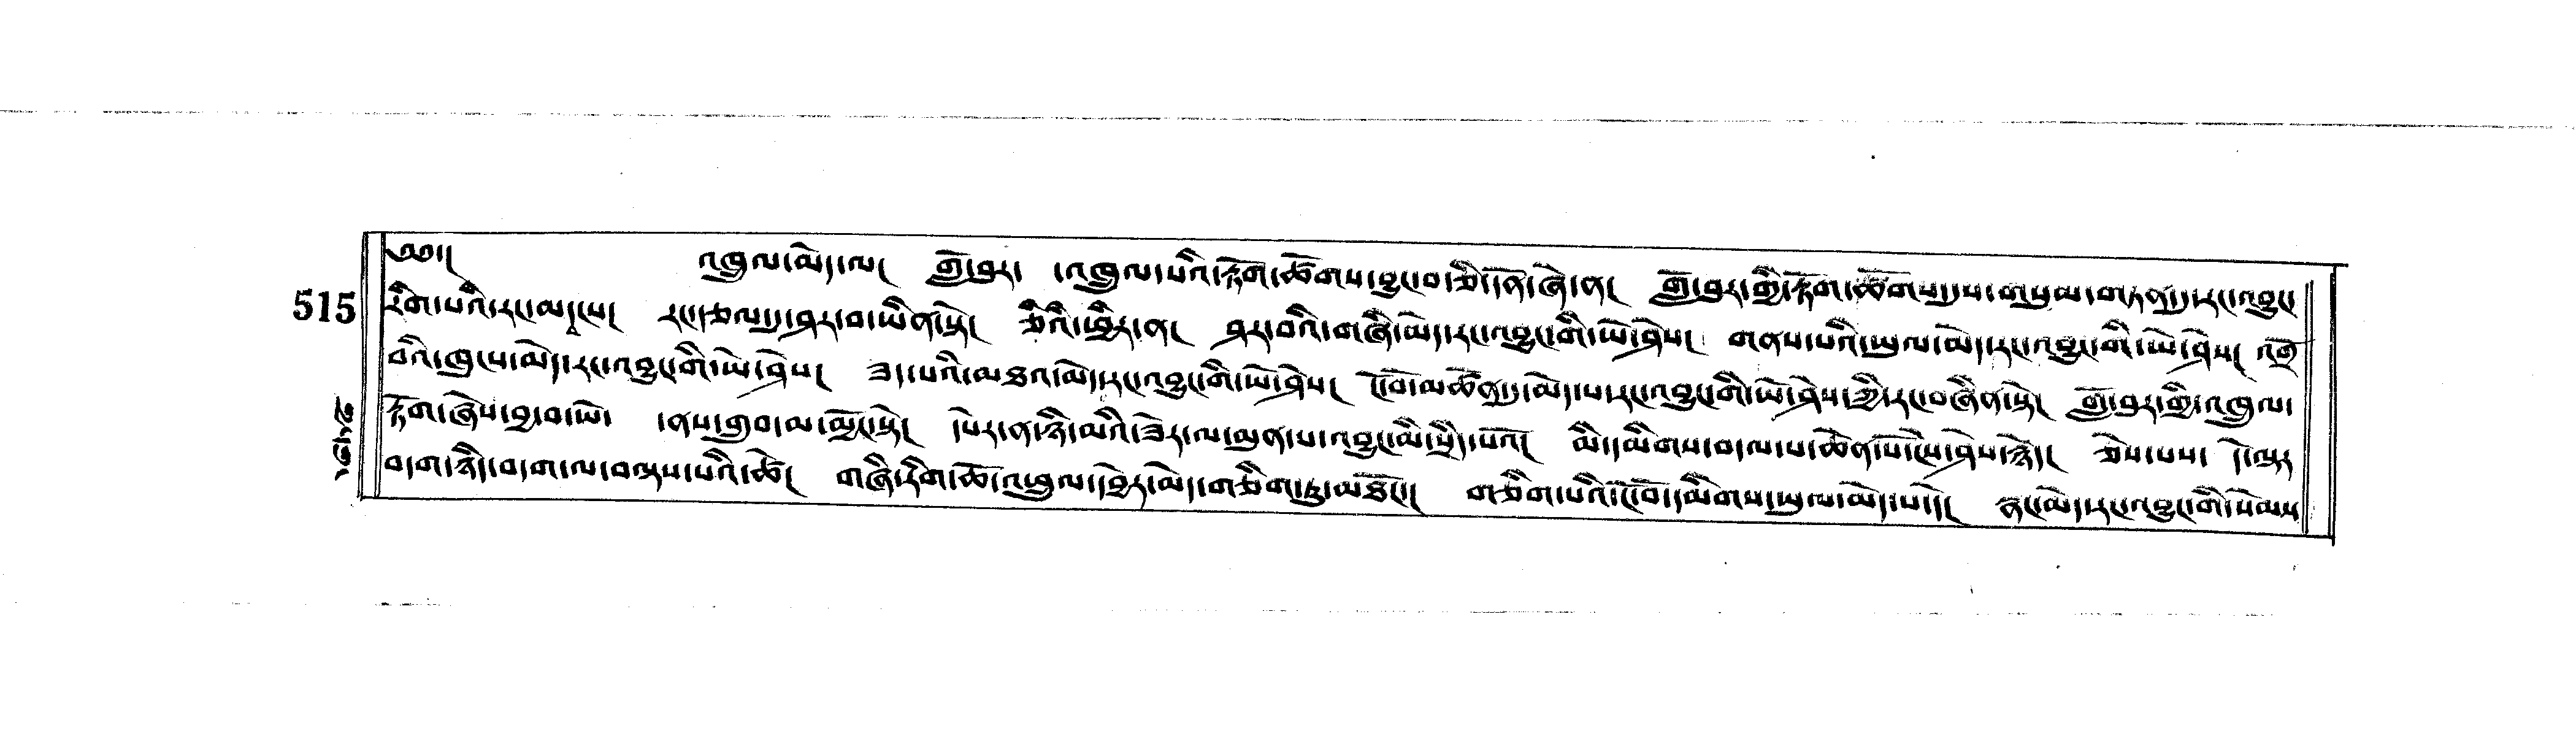འཁྲུལ་མེད་ལ། གློ་བུར་འཁྲུལ་པའི་རྟོག་ཚོགས་བྱུང་བ་ཅི་དོན་ཞེ་ན། གློ་བུར་གྱི་རྟོག་ཚོགས་དུས་གསུམ་གཏན་དུ་རང་འབྱུང་
རིག་པའི་རང་མདངས། རང་རྩལ་དུ་ཤར་བ་ཡིན་ཏེ། ཅིའི་ཕྱིར་ན། ཤར་བའི་གཞི་མེད་རང་འབྱུང་གི་ཡེ་ཤེས། གནས་པའི་ཡུལ་མེད་རང་འབྱུང་གི་ཡེ་ཤེས། འགྲོ་
བའི་ཁུངས་མེད་རང་འབྱུང་གི་ཡེ་ཤེས། ཟད་པའི་མཐའ་མེད་རང་འབྱུང་གི་ཡེ་ཤེས། ངོ་བོ་མཚོན་དུ་མེད་པ་རང་འབྱུང་གི་ཡེ་ཤེས་ཀྱི་རང་བཞིན་ཏེ། གློ་བུར་གྱི་འཁྲུལ་
རྟོག་ཞེས་བྱ་བ་ཡེ་ནས་གྲུབ་མ་མྱོང་སྟེ། དཔེར་ན། ཉི་མའི་ཟེར་ལ་མུན་པ་འབྱུང་མི་སྲིད་པའོ། མི་དམིགས་བདལ་པ་ཆེན་པོ་ངེས་ཤེས་རྙེད། ཅེས་པས། དེ་ལྟར་
བདག་ཉིད་བདག་ལ་བལྟས་པའི་ཚེ། གཞི་རིག་ཆོ་འཕྲུལ་དབྱེར་མེད་གཅིག་ཏུ་མཐོང་། གཅིག་པའི་ངོ་བོ་དམིགས་ཡུལ་མེད་པ་དེ། སྣང་མེད་རང་འབྱུང་གི་སེམས་